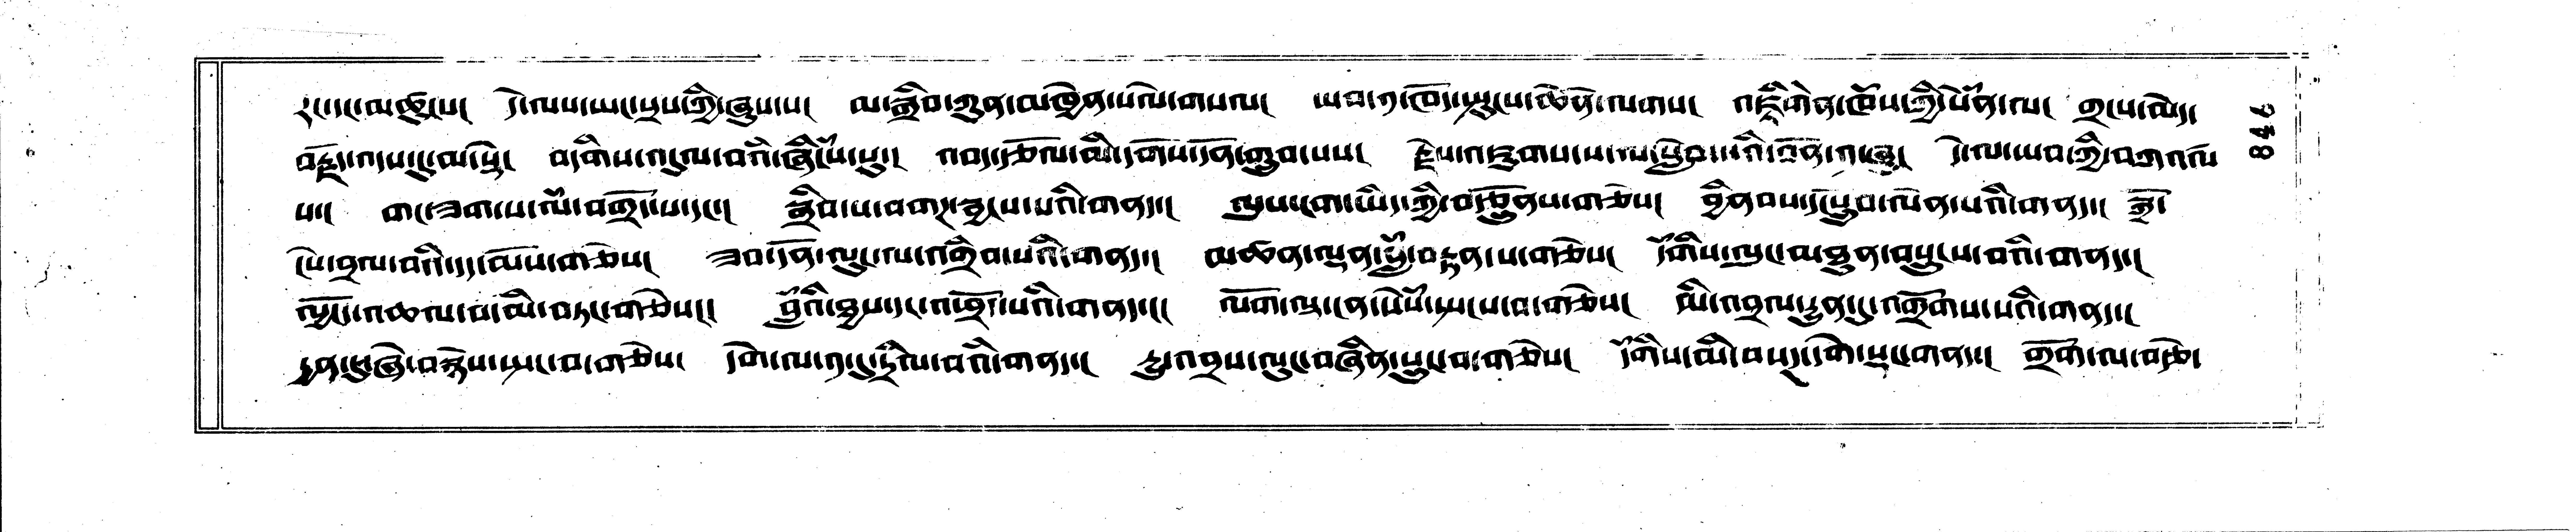རང་དང་མཚུངས། །དེ་ལས་ཡང་སྲས་ཀྱིས་ཞུས་པ། མ་བསྒྲིབས་ཀུན་མཁྱེན་སལེ་གསལ། ཡབ་གཅིག་ཁོད་སྤུངས་ཆེན་པོ་ལགས། །འཇིག་ཁམས་ཀྱི་སེམས་ཅན་ལ། གྲངས་མེད་
བརྗོད་འདས་དུ་མ་སྟེ། །བདག་གིས་འདུལ་བའི་ཞིང་ཁམས་སུ། །འབད་རྩོལ་མི་དགོས་དོན་གྲུབ་པས། །རྗེས་འཇུག་ས་ལ་སླེབ་པའི་བོན་ཅིག་ཞུ། །དེ་ལ་ཡབ་ཀྱིས་བཀའ་བསྩལ་
པ། །གང་ཟག་ས་ལམ་བགྲོད་པ་དང་། །སྒྲིབ་པ་བག་ཆགས་སྦྱོང་བའི་གནད། །ལུས་ངག་ཡིད་ཀྱིས་བརྩོན་འགྲུས་གཅེས། །བྱིན་རླབས་དངོས་གྲུབ་ལེན་པའི་གནད། སྐྱོ་
ངེས་བྲལ་བའི་དད་མོས་གཅེས། །ཟབ་དོན་ལུང་ལ་འགྲིབ་བའི་གནད། །མཚན་ལྡན་བླ་མ་བསྟེན་པར་གཅེས། །དམ་ཚིག་ལུང་མཐུན་བསྲུང་བའི་གནད།
ལོངས་སྤྱོད་འཆལ་བ་མི་བཏང་གཅེས། །བླ་མའི་ཐུགས་དང་འཕྲོད་པའི་གནད། །ལོག་ལྟ་ངན་སེམས་སྤང་བར་གཅེས། །མི་འབྲལ་རྒྱུན་དུ་འགྲོག་པའི་གནད། 
རྒྱན་དུ་ཞེ་བསྙེས་སྤང་བར་གཅེས། །དགེ་ལ་གཅིག་ཏུ་དྲིལ་བའི་གནད། །རྒྱུ་འབྲས་ལུང་བཞིན་སྲུང་བར་གཅེས། དམ་ཚིག་མི་བསགས་དགེ་སྡོང་གནད། །གྲོགས་ལ་བརྩེ་